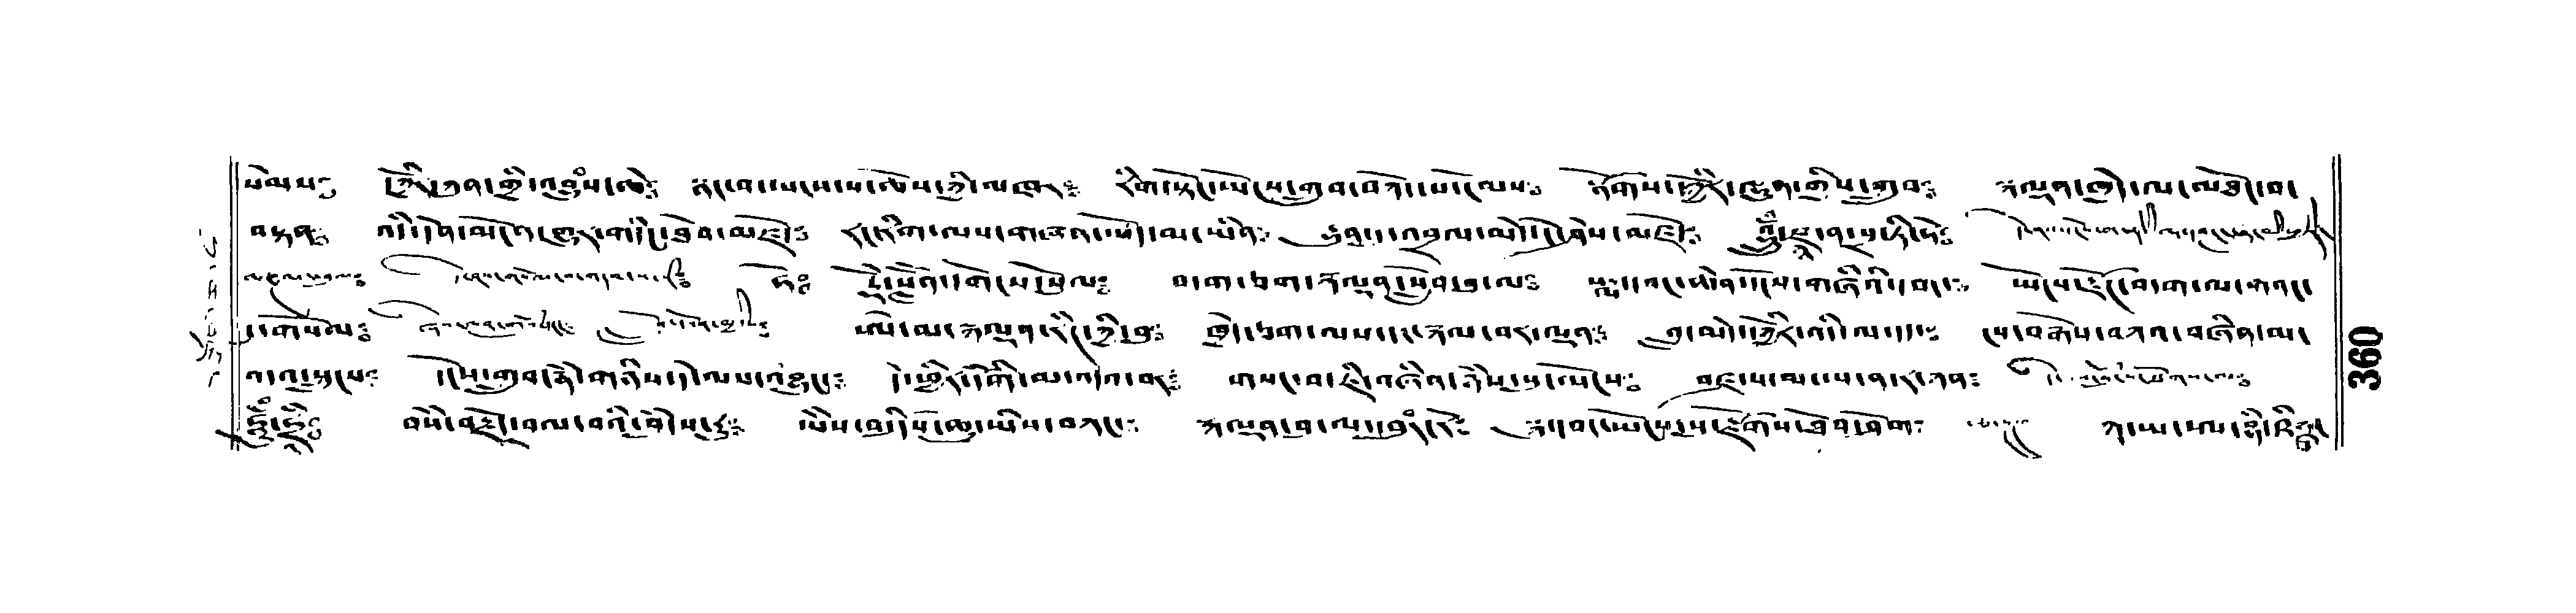སེམས༔ དཀྱིལ་འཁོར་ཀུན་གྱི་འབྱུང་གནས་ཆེ༔ སྣང་བ་ཡངས་པ་ཆོས་ཀྱི་མཁར༔ རིག་སྟོང་ཡོངས་གྲུབ་བཀོད་པ་ངོམས༔ སྣ་ཚོགས་དཀྱིལ་འཁོར་ལྷུན་གྱིས་གྲུབ༔ སྐལ་ལྡན་ཁྱེད་ལ་མཐོང་བ་
བསྟན༔ འདི་དོན་མངོན་གྱུར་གདིང་ཐོབ་མཛོད༔ རང་རིག་ལས་གཞན་ཡོད་མ་ཡིན༔ རྒྱུན་དུ་འབྲལ་མེད་ངོ་ཤེས་མཛོད༔ བྷྲཱུྃ་ཛྙཱ་ན་པྲ་ཏི་ཧོཿ དེ་ནས་དངོས་གཞིའི་ལྷ་དབང་ཞུ་བའི་ཕྱིར་
མཎྜལ་ཕུལ༔ དེ་ནས་གསོལ་བ་གདབ་པ་ནི༔ ཧོཿ རྡོ་རྗེ་སློབ་དཔོན་དགོངས་སུ་གསོལ༔ བདག་ཅག་སྐལ་ལྡན་སློབ་བུ་ལ༔ པདྨ་དབང་ཆེན་དངོས་གཞིའི་དབང་ཿ ཡོངས་རྫོགས་བདག་ལ་གནང་
དུ་གསོལ༔ ཞེས་ལན་གསུམ་དང༔ སློབ་དཔོན་གྱིས༔ ཨེ་མ་སྐལ་ལྡན་རིགས་ཀྱི་བུ༔ ཁྱེད་ཅག་ལས་དང་སྐལ་བར་ལྡན༔ བླ་མེད་དཀྱིལ་འཁོར་འདི་ལ་དད༔ ངས་བསྒོས་བཀའ་བཞིན་མ་
འདའ་སྲུངས༔ དངོས་གྲུབ་རྣམ་གཉིས་དེ་ལས་འབྱུང༔ དེ་ཕྱིར་དམ་ཚིག་མ་འདའ་བར༔ གསང་བ་ཇི་བཞིན་ཉམས་སུ་ལོངས༔ བཛྲ་ས་མ་ཡ་ན་ར་ཀན༔ དེ་ནས་བུམ་པ་ཐོགས་ལ༔ ཧཱུྃ་ཧྲཱིཿ 
བསམ་བརྗོད་བྲལ་བའི་བུམ་པ་རུ༔ ཡེ་ཤེས་བདུད་རྩིས་ཆུ་ཡིས་བཀང༔ སྐལ་ལྡན་བུ་ལ་དབང་བསྐུར་རོ༔ སྐུ་དབང་ཡོངས་སུ་རྫོགས་ཐོབ་ཤོག༔ རྩ་སྔགས༔ ཀཱ་ཡ་ཨ་བྷི་རིཉྩ་